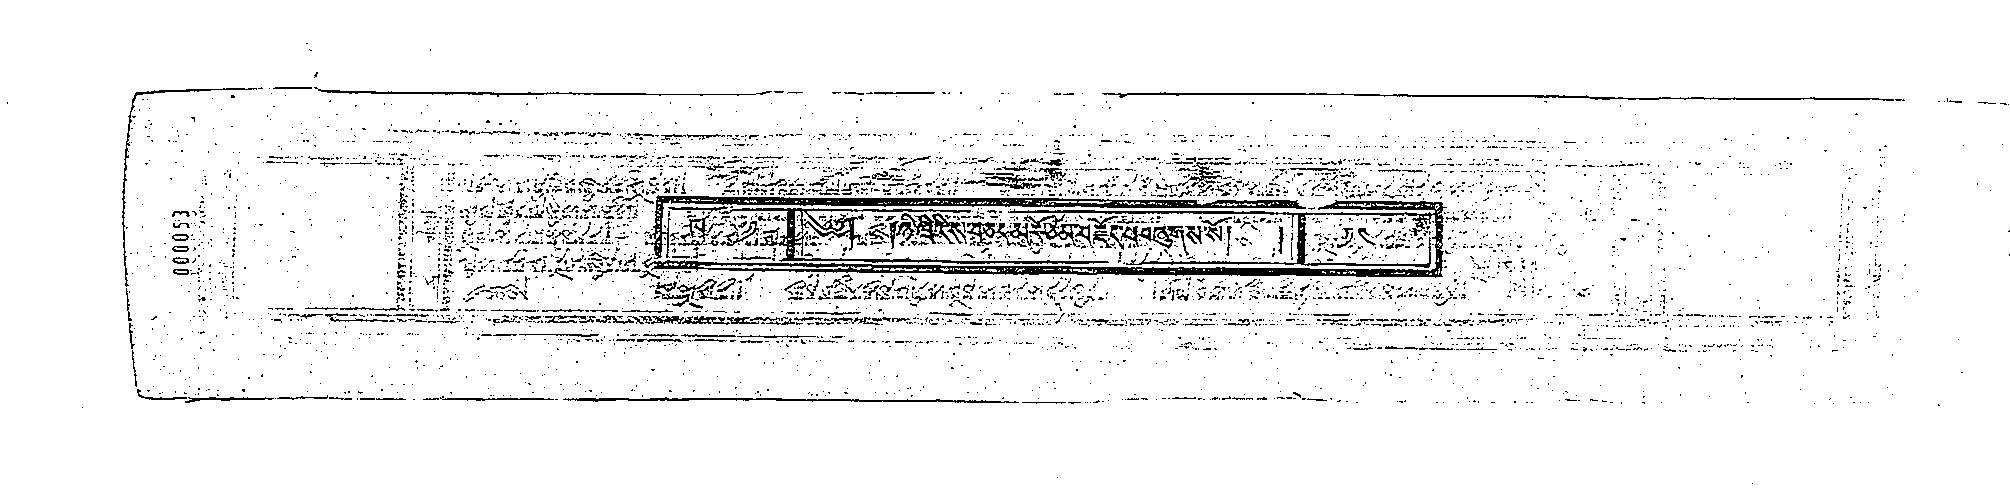ང ༢?
༄༅། །ཉི་ཁྲིའི་ས་བཅད་མདོ་ཙམ་བརྗོད་པ་བཞུགས་སོ། །